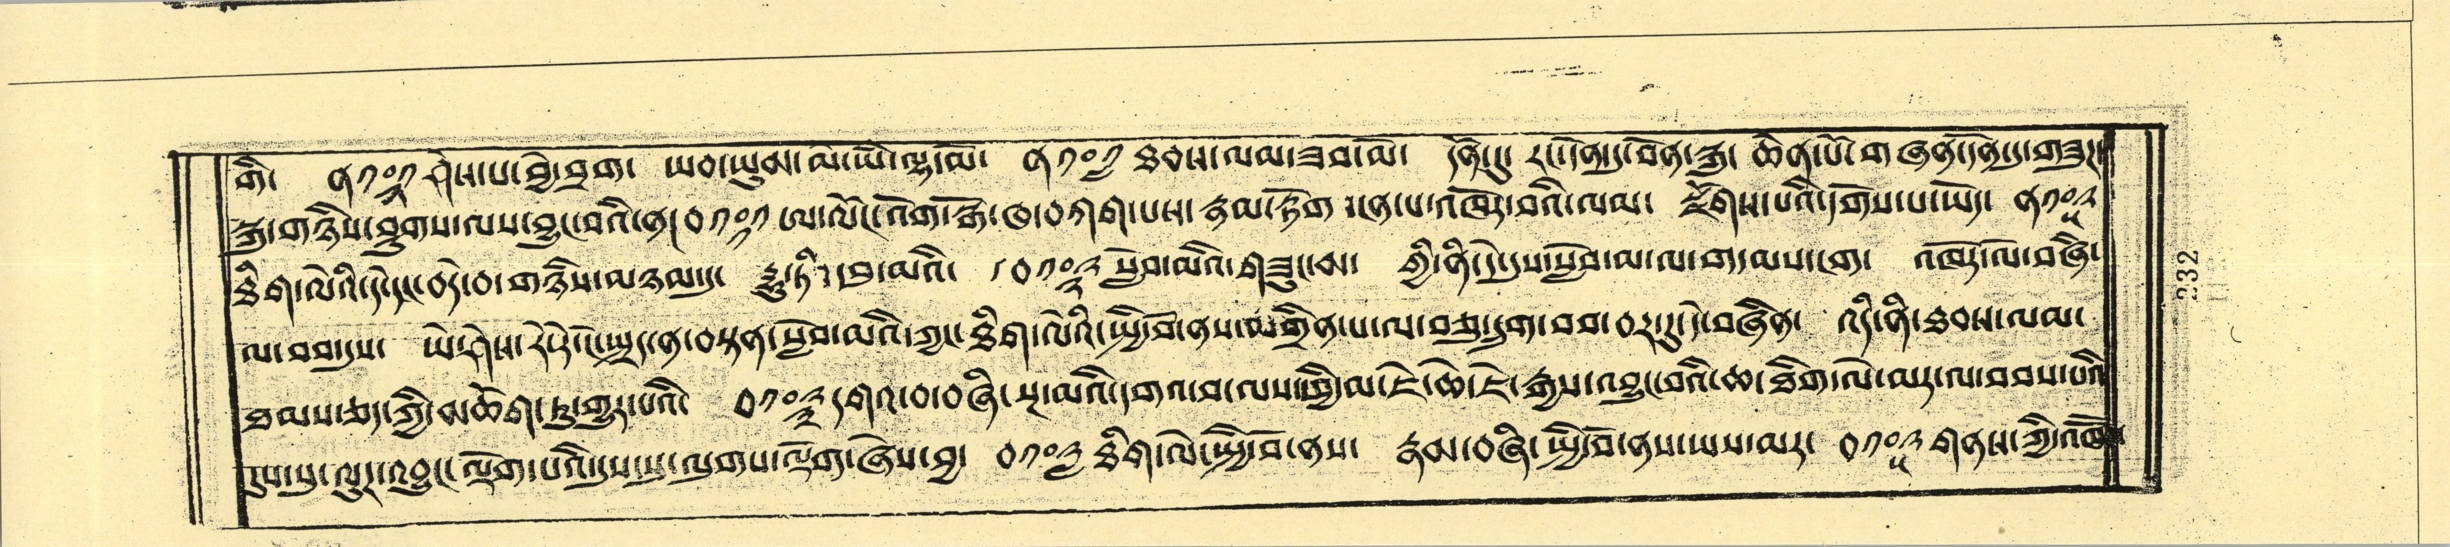གི་ན༡༠༡།༢ ༼ཤེས་པ་༽བྱེ་བྲག་ ༼ཡབ་ཡུམ་༽མེ་ཡི་ལྷ་མོ་ན༡༠༡།༤ ༼ཐབས་༽ལམ་ཟབ་མོ་ ༼དོན་དུ་༽རང་དོན་བོན་སྐུ་ ༼ཆེན་པོ་༽གཞན་དོན་དུ་གཟུགས་
སྐུ་གཉིས་ཤུགས་ལས་བྱུང་བའི་ན། བ༡༠༡།༡ ༼ཨ་ལོང་༽འོག་སྒོ་ ༼ཁ་བཀག་པས་༽རྣམ་རྟོག་ངན་པ་འཁོར་བའི་ལམ་ ༼སྫོགས་༽པའི་དགོས་པ་ཡོད། ན༡༠༢།༥ 
༼ཐིག་ལེའི་དེ་དང་བདེ་བ་༽གཉིས་མཉམ་དུ་ ༼དྷུ་ཏི་༽དབུ་མའི་བ༡༠༢།༢ སློབ་མའི་ ༼གཟུང་མ་གྱི་ནི་༽དེ་དུས་སློབ་མ་ལ་གདམས་ངག་འཁོར་ལོ་བཞི་
ལ་བབ་དུས་ ༼ཡེ་ཤེས་༽རེ་རེ་ངོ་སྤྲད་ན་ ༼བསྟན་༽སློབ་མའི་ཀྱང་ ༼ཐིག་ལེའི་༽སྤྱི་བོ་ནས་མགྲིན་པ་ལ་བཅུ་དྲུག་བབ་ ༼བར་དུ་༽དེ་བཞིན་ ༼འདི་ནི་ཐབས་༽ལམ་
ཐམས་ཅད་ཀྱི་ ༼མཆོག་༽ཏུ་གྱུར་པའི་བ༡༠༢།༣ ༼དགའ་བ་བཞི་༽སྔ་མའི་དགའ་བ་ལས་ཕྱི་མ་ཇེ་ཆེ་ཇེ་རྒྱས་འབྱུང་བའི་ཆ་ཐིག་ལེ་མར་ལ་བབས་པའི་
དུས་སུ་ ༼ལུགས་འབྱུང་༽ལྡོག་པའི་དུས་སུ་ལུགས་ལྡོག་ཞེས་བྱ་བ༡༠༢།༤ ༼ཐིག་ལེ་༽སྤྱོ་བོ་ནས་ ༼རྣམ་བཞི་༽སྤྱི་བོ་ནས་ཡས་མར་བ༡༠༢།༥ ༼གནས་༽ཀྱི་འཁོར་ལོ་